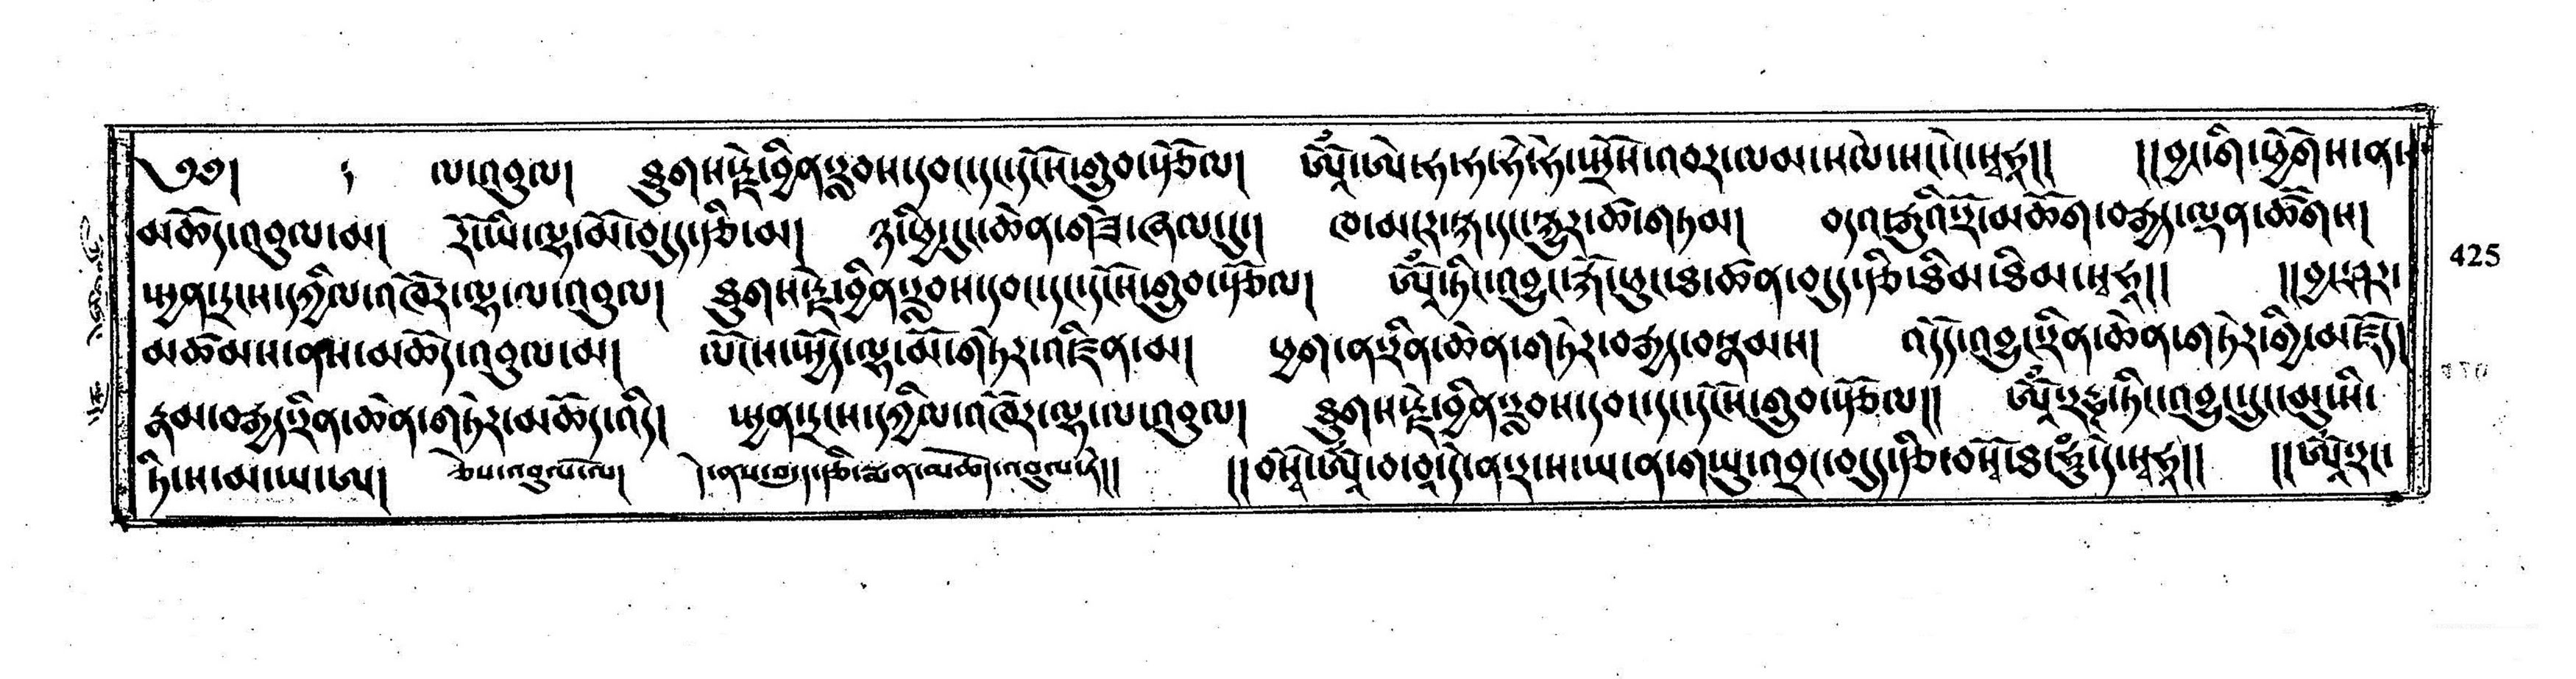ལ་འབུལ། ཐུགས་རྗེ་བྱིན་རླབས་དབང་དང་དངོས་གྲུབ་སྩོལ། ཨཱོཾ་ཨེ་ཧ་ཧ་ཧེ་ཧེ་སྤྲོས་འབར་ལམ་སལེ་སང་ངེ་སྭཧཱ།། །།བྱང་གི་ཕྱོགས་ནས་
མཆོད་འབུལ་མ། རོ་ཡི་ལྷ་མོ་བདུད་རྩི་མ། ཉ་ཕྱི་དུང་ཆེན་གཟེ་ཞལ་དུ། ཁ་མངར་སྐ་དང་སྐྱུར་ཚ་གཏམ། བདའ་རྒུའི་རོ་མཆོག་བརྒྱད་ལྡན་ཚོགས། 
སྤྱན་དྲངས་དཀྱིལ་འཁོར་ལྷ་ལ་འབུལ། ཐུགས་རྗེ་བྱིན་རླབས་དབང་དང་དངོས་གྲུབ་སྩོལ། ཨཱོཾ་ཏིང་འབྱུང་རྐོ་ཕུང་ཐ་ཚན་བདུད་རྩི་ཐིམ་ཐིམ་སྭཧཱ།། །།བྱང་ཤར་
མཚམས་ནས་མཆོད་འབུལ་མ། ལོངས་སྤྱོད་ལྷ་མོ་གཏེར་འཛིན་མ། ཕྱག་ན་རིན་ཆེན་གཏེར་བརྒྱད་བསྣམས། འདོད་འབྱུང་རིན་ཆེན་གཏེར་གྱི་མཛོད། 
རྣམ་བརྒྱད་རིན་ཆེན་གཏེར་མཆོད་འདི། སྤྱན་དྲངས་དཀྱིལ་འཁོར་ལྷ་ལ་འབུལ། ཐུགས་རྗེ་བྱིན་རླབས་དབང་དང་དངོས་གྲུབ་སྩོལ།། ཨཱོཾ་རདྞ་ཏིང་འབྱུང་དྲུང་མུ་སི་
ཏི་{436}ས་མ་ཡ་ཨ། ཅེས་འབུལ་ལོ། དེ་ནས་བདུད་རྩི་སྨན་མཆོད་འབུལ་ཏེ།། །།བསྭོ་་བ་བཱ་དེ་ན་ར་ས་ཡ་ན་གཡུ་འབྲང་བདུད་རྩི་བསྭོ་ཐཱ་ཧཱུྃ་དེ་སྭཧཱ།། །།ཨཱོཾ་རང་